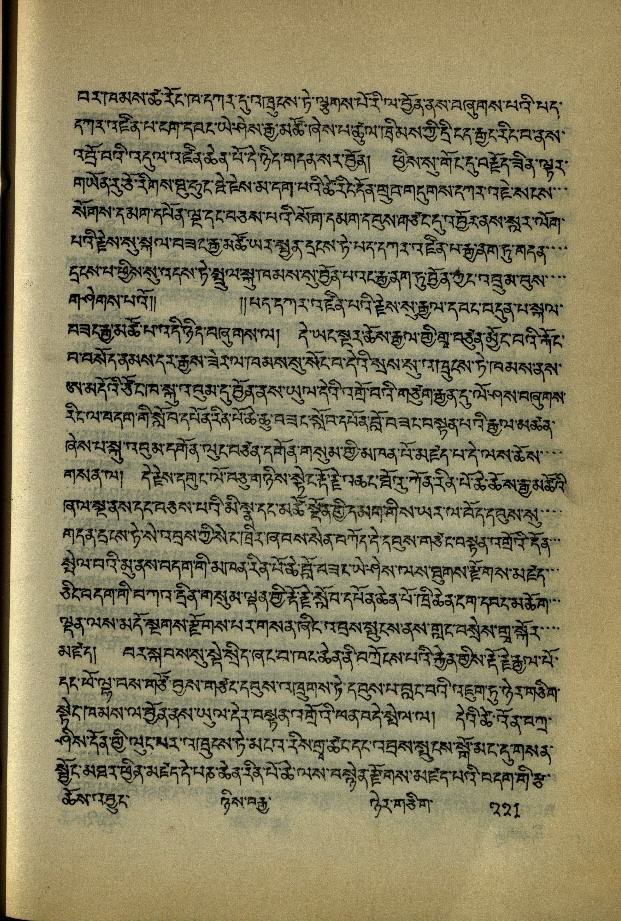བར་ཁམས་ཚ་རོང་ཁ་དཀར་དུ་འཁྲུངས་ཏེ་ལྕགས་པོ་རི་ལ་བྱོན་ནས་བཞུགས་པའི་པད་
དཀར་འཛིན་པ་ངག་དབང་ཡེ་ཤེས་རྒྱ་མཚོ་ཞེས་པ་ཚུལ་ཁྲིམས་ཀྱི་དྲི་ངད་རྒྱང་རིང་བ་ནས་
འབྲོ་བའི་འདུལ་འཛིན་ཆེན་པོ་དེ་ཉིད་གདན་སར་བྱོན། ཕྱིས་སུ་གོང་དུ་བརྗོད་ཟིན་ལྟར་
གཡོན་རུ་ཅོ་རིགས་ཐུ་ཧུང་ཐེ་ཇེས་མ་དག་པའི་ཚེ་རིང་དོན་གྲུབ་གདུགས་དཀར་འཇེ་སངས་
སོགས་དམག་དཔོན་ལྔ་དང་བཅས་པའི་སོག་དམག་དབུས་གཙང་དུ་འབྱོར་ནས་སླར་ལོག་
པའི་རྗེས་སུ་སྐལ་བཟང་རྒྱ་མཚོ་ཡར་སྤྱན་དྲངས་ཏེ་པད་དཀར་འཛིན་པ་རྒྱ་ནག་ཏུ་གདན་
དྲངས་པ་ཕྱིས་སུ་འདས་ཏེ་སྤྲུལ་སྐུ་ཁམས་སུ་བྱོན་པའང་རྒྱ་ནག་ཏུ་བྱོན་ཀྱང་འབྲུམ་བུས་
གཤེགས་པའོ།། །།པད་དཀར་འཛིན་པའི་རྗེས་སུ་རྒྱལ་དབང་བདུན་པ་སྐལ་
བཟང་རྒྱ་མཚོ་པ་འདི་ཉིད་བཞུགས་ལ། དེ་ཡང་སྔར་ཆོས་རྒྱལ་གྱི་གྲྭ་བཙུན་མྱོང་བའི་རྐོང་
བ་བསོད་ནམས་དར་རྒྱས་ཟེར་ལ་ཁམས་སུ་སོང་བ་དེའི་སྲས་སུ་འཁྲུངས་ཏེ་ཁམས་ནས་
ཨ་མདོའི་ཙོང་ཁ་སྐུ་འབུམ་དུ་བྱོན་ནས་ཡུལ་དེའི་འགྲོ་བའི་གཙུག་རྒྱན་དུ་ལོ་ཤས་བཞུགས་
རིང་ལ་བདག་གི་སློབ་དཔོན་རིན་པོ་ཆེ་ཆུ་བཟང་སློབ་དཔོན་བློ་བཟང་བསྟན་པའི་རྒྱལ་མཚན་
ཞེས་པ་སྐུ་འབུམ་དགོན་ལུང་བཙན་དགོན་གསུམ་གྱི་མཁན་པོ་མཛད་པ་དེ་ལས་ཆོས་
གསན་ལ། དེ་རྗེས་དགུང་ལོ་བཅུ་གཉིས་སྟེང་རྡོ་རྗེ་འཆང་ཐོའུ་ཀོན་རིན་པོ་ཆེ་ཆོས་རྒྱ་མཚོའི་
ཞལ་སྔ་ནས་དང་བཅས་པའི་མི་སྣ་དང་མཚོ་སྔོན་གྱི་དམག་གིས་ཡར་ལ་བོད་དབུས་སུ་
གདན་དྲངས་ཏེ་སེ་འབྲས་ཀྱི་སེང་ཁྲིར་ཞབས་སེན་བཀོད་དེ་དབུས་གཙང་བསྟན་འགྲོའི་དོན་
སྤེལ་བའི་མུ་ནས་བདག་གི་མཁན་རིན་པོ་ཆེ་བློ་བཟང་ཡེ་ཤེས་ལས་ཐུགས་རྫོགས་མཛད་
ཅིང་བདག་གི་བཀའ་དྲིན་གསུམ་ལྡན་གྱི་རྡོ་རྗེ་སློབ་དཔོན་ཆེན་པོ་ཁྲི་ཆེན་ངག་དབང་མཆོག་
ལྡན་ལས་མདོ་སྔགས་རྫོགས་པར་གསན་ཞིང་འབྲས་སྤུངས་ནས་གླང་བསྲེས་གྲྭ་སྐོར་
མཛད། བར་སྐབས་སུ་སྡེ་སྲིད་ཞང་བ་ཁང་ཆེན་ནི་བཀྲོངས་པའི་རྐྱེན་གྱིས་རྡོ་རྗེ་རྒྱལ་པོ་
དང་ཕོ་ལྷ་བས་གཙོ་བྱས་གཙང་དབུས་འཁྲུགས་ཏེ་དབུས་པ་བླང་བའི་འཇུག་ཏུ་ཉེར་གཅིག་
སྟེང་ཁམས་ལ་བྱོན་ནས་ཡུལ་དེར་བསྟན་འགྲོའི་ཕན་བདེ་སྤེལ་ལ། དེའི་ཚེ་འོན་བཀྲ་
ཤིས་དོན་གྱི་ལུང་པར་འཁྲུངས་ཏེ་མངའ་རིས་གྲྭ་ཚང་དང་འབྲས་སྤུངས་སྒོ་མང་དུ་གསན་
སྦྱོང་མཐར་ཕྱིན་མཛད་དེ་པཎ་ཆེན་རིན་པོ་ཆེ་ལས་བསྙེན་རྫོགས་མཛད་པའི་བདག་གི་རྩ་